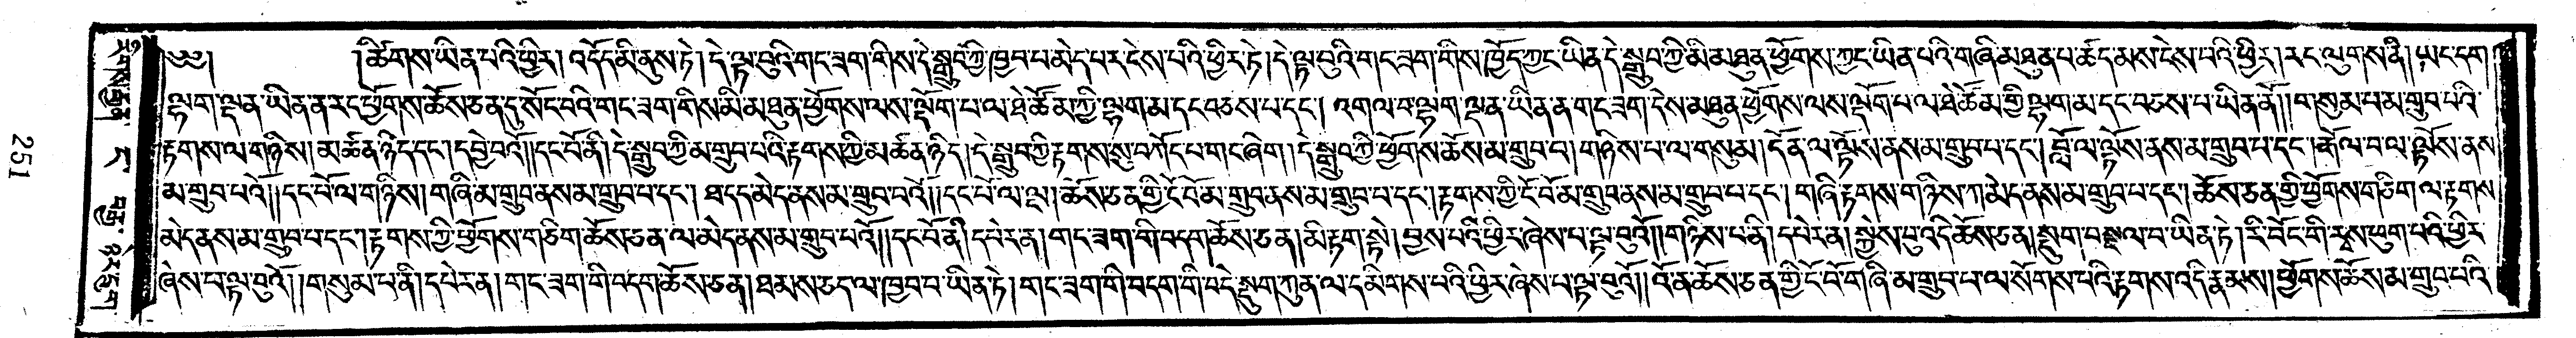༄༅། །ཚིགས་ཡིན་པའི་ཕྱིར། འདོད་མི་ནུས་ཏེ། དེ་ལྟ་བུའི་གང་ཟག་གིས་དེ་སྒྲུབ་ཀྱི་ཁྱབ་པ་མེད་པར་ངེས་པའི་ཕྱིར་ཏེ། དེ་ལྟ་བུའི་གང་ཟག་གིས་ཁྱོད་ཀྱང་ཡིན་དེ་སྒྲུབ་ཀྱི་མི་མཐུན་ཕྱོགས་ཀྱང་ཡིན་པའི་གཞི་མཐུན་པ་ཚད་མས་ངེས་པའི་ཕྱིར། རང་ལུགས་ནི། ཡང་དག་
ལྷག་ལྡན་ཡིན་ན་རང་ཕྱོགས་ཆོས་ཅན་དུ་སོང་བའི་གང་ཟག་གིས་མི་མཐུན་ཕྱོགས་ལས་ལྡོག་པ་ལ་ཐེ་ཚོམ་གྱི་ལྷག་མ་དང་བཅས་པ་དང་། འགལ་བ་ལྷག་ལྡན་ཡིན་ན་གང་ཟག་དེས་མཐུན་ཕྱོགས་ལས་ལྡོག་པ་ལ་ཐེ་ཚོམ་གྱི་ལྷག་མ་དང་བཅས་པ་ཡིན་ནོ། །གསུམ་པ་མ་གྲུབ་པའི་
རྟགས་ལ་གཉིས། མཚན་ཉིད་དང་། དབྱེ་བའོ། །དང་པོ་ནི། དེ་སྒྲུབ་ཀྱི་མ་གྲུབ་པའི་རྟགས་ཀྱི་མཚན་ཉིད། དེ་སྒྲུབ་ཀྱི་རྟགས་སུ་བཀོད་པ་གང་ཞིག །དེ་སྒྲུབ་ཀྱི་ཕྱོགས་ཆོས་མ་གྲུབ་པ། གཉིས་པ་ལ་གསུམ། དོན་ལ་ལྟོས་ནས་མ་གྲུབ་པ་དང་། བློ་ལ་ལྟོས་ནས་མ་གྲུབ་པ་དང་། རྒོལ་བ་ལ་ལྟོས་ནས་
མ་གྲུབ་པའོ། །དང་པོ་ལ་གཉིས། གཞི་མ་གྲུབ་ནས་མ་གྲུབ་པ་དང་། ཐ་དད་མེད་ནས་མ་གྲུབ་པའོ། །དང་པོ་ལ་ལྔ། ཆོས་ཅན་གྱི་ངོ་བོ་མ་གྲུབ་ནས་མ་གྲུབ་པ་དང་། རྟགས་ཀྱི་ངོ་བོ་མ་གྲུབ་ནས་མ་གྲུབ་པ་དང་། གཞི་རྟགས་གཉིས་ཀ་མེད་ནས་མ་གྲུབ་པ་དང་། ཆོས་ཅན་གྱི་ཕྱོགས་གཅིག་ལ་རྟགས་
མེད་ནས་མ་གྲུབ་པ་དང་། རྟགས་ཀྱི་ཕྱོགས་གཅིག་ཆོས་ཅན་ལ་མེད་ནས་མ་གྲུབ་པའོ། །དང་པོ་ནི། དཔེར་ན། གང་ཟག་གི་བདག་ཆོས་ཅན། མི་རྟག་སྟེ། བྱས་པའི་ཕྱིར་ཞེས་པ་ལྟ་བུའོ། །གཉིས་པ་ནི། དཔེར་ན། སྐྱེས་བུ་འདི་ཆོས་ཅན། སྡུག་བསྔལ་བ་ཡིན་ཏེ། རི་བོང་གི་རྭས་ཕུག་པའི་ཕྱིར་
ཞེས་པ་ལྟ་བུའོ། །གསུམ་པ་ནི། དཔེར་ན། གང་ཟག་གི་བདག་ཆོས་ཅན། ཐམས་ཅད་ལ་ཁྱབ་པ་ཡིན་ཏེ། གང་ཟག་གི་བདག་གི་བདེ་སྡུག་ཀུན་ལ་དམིགས་པའི་ཕྱིར་ཞེས་པ་ལྟ་བུའོ། །འོ་ན་ཆོས་ཅན་གྱི་ངོ་བོ་གཞི་མ་གྲུབ་པ་ལ་སོགས་པའི་རྟགས་འདི་རྣམས། ཕྱོགས་ཆོས་མ་གྲུབ་པའི་